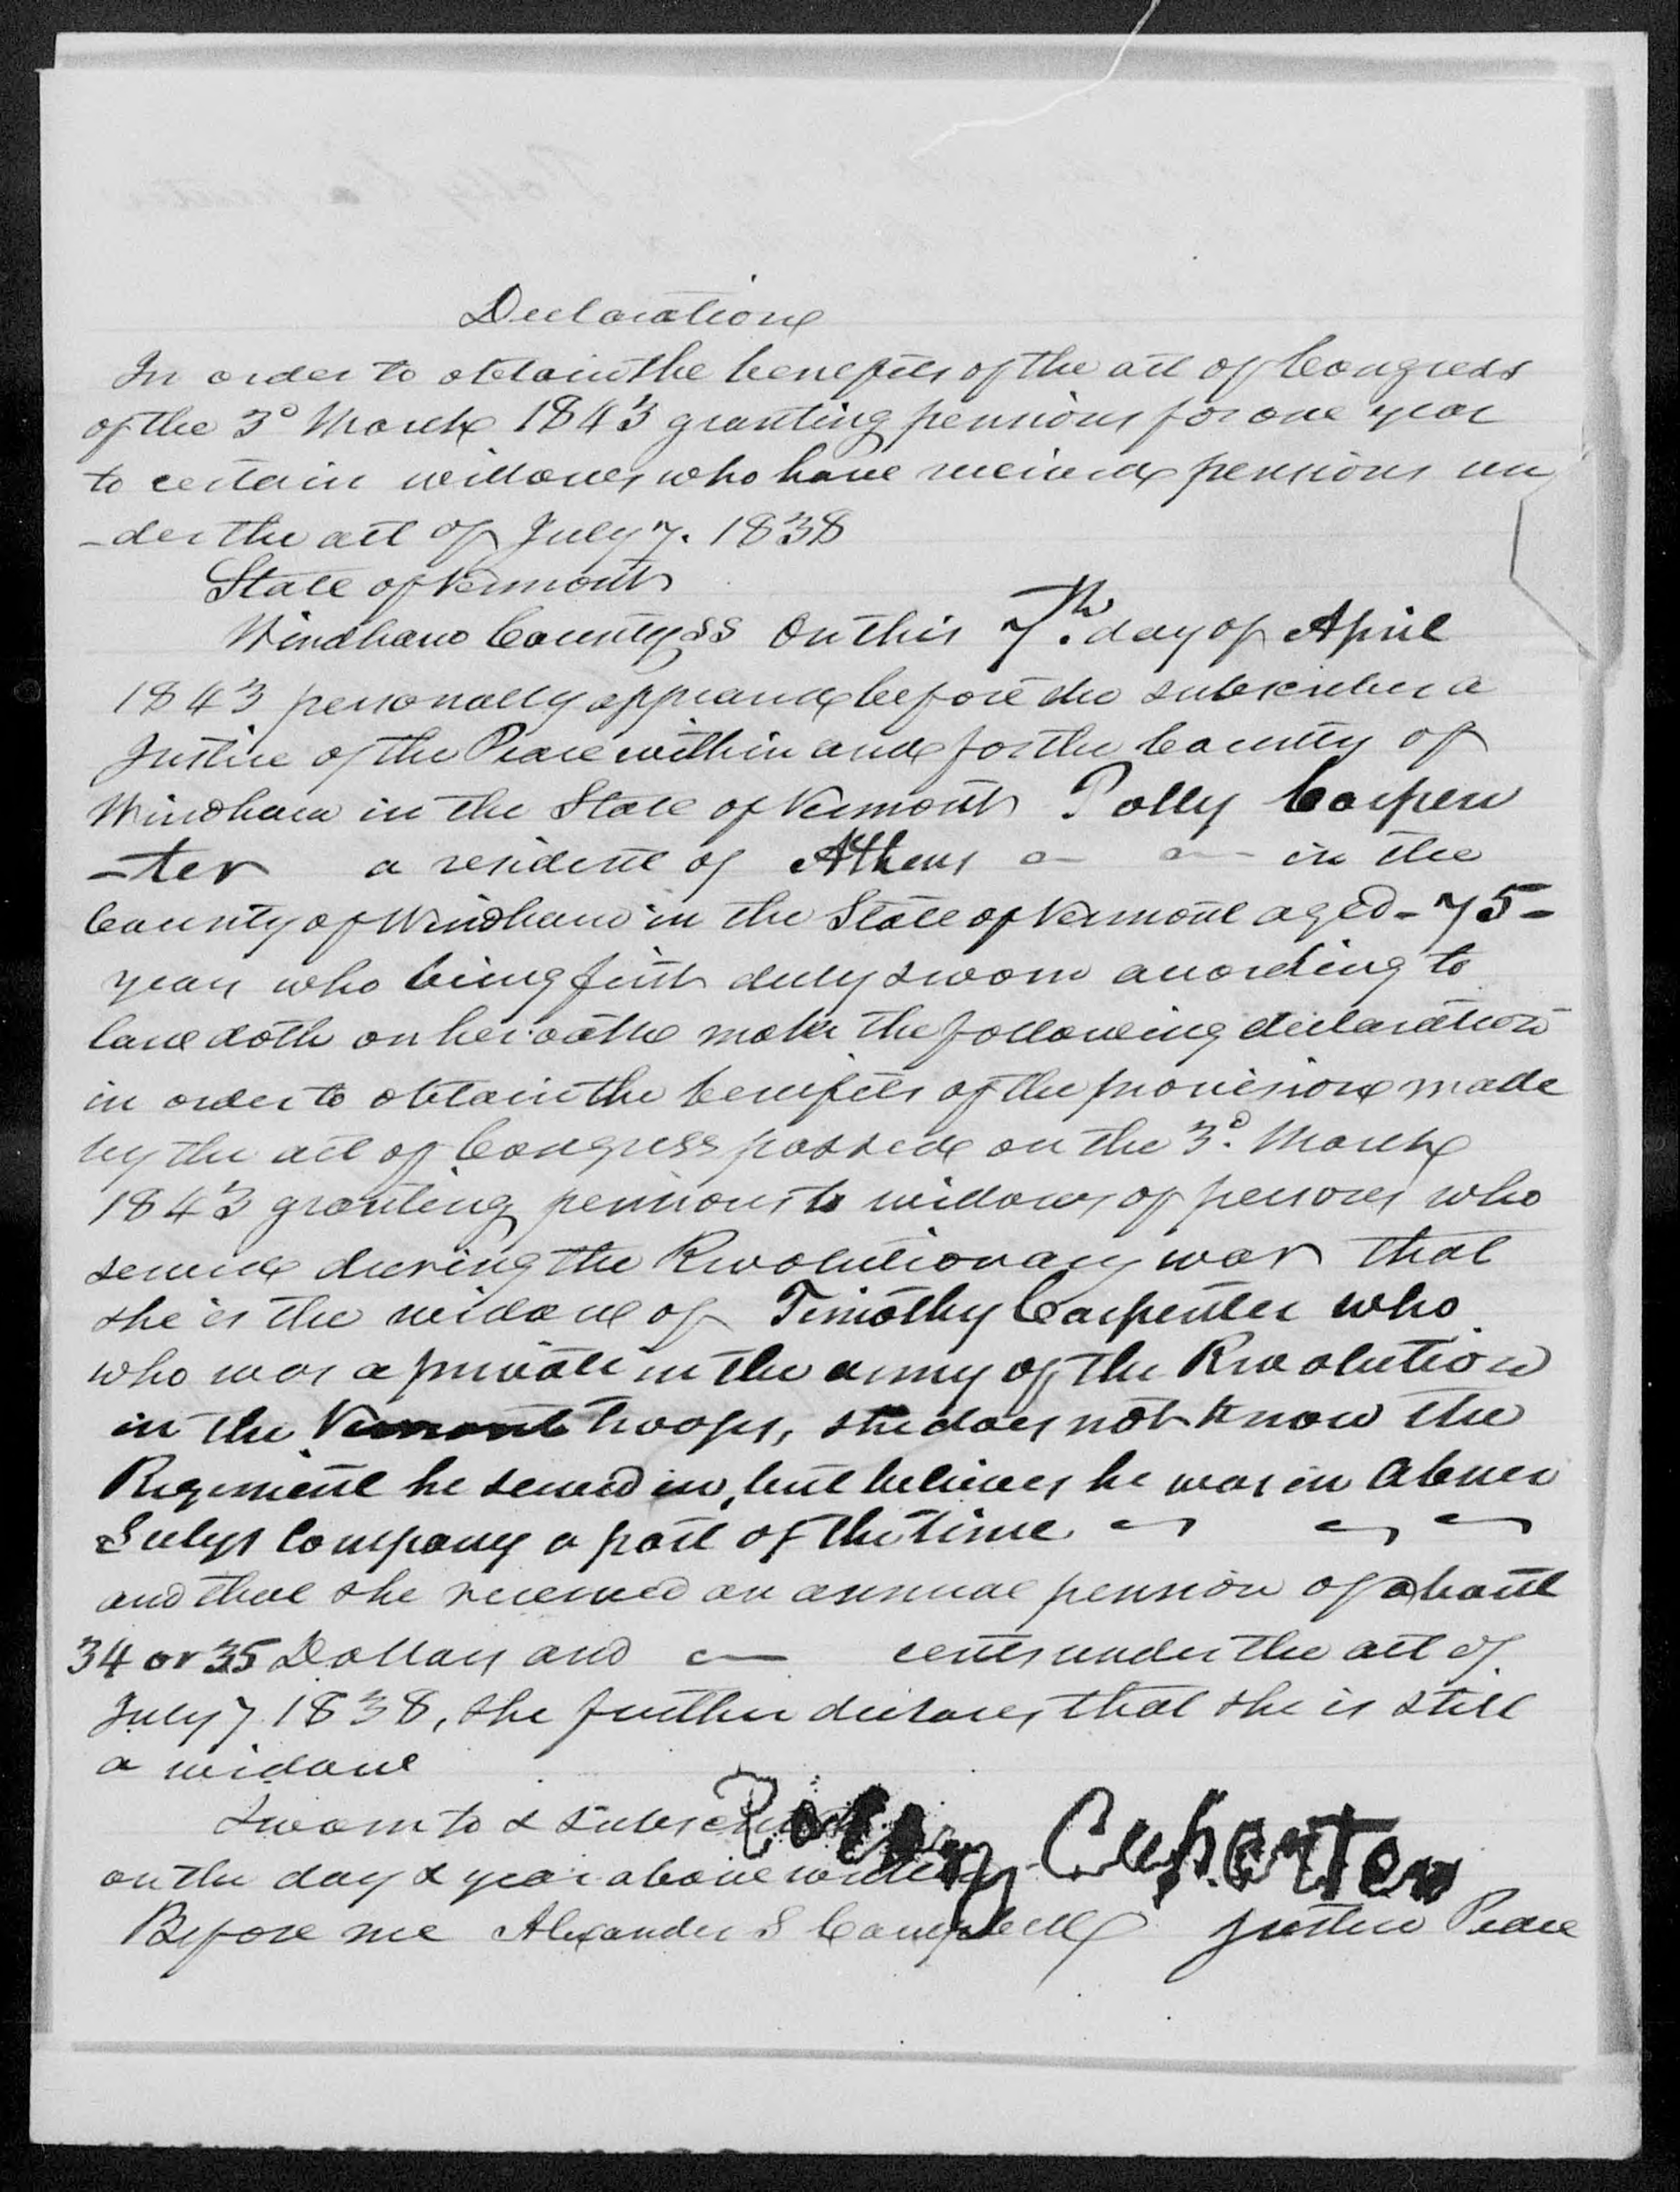Declaration
In order to obtain the benefits of the act of Congress of the 3d March 1843 granting pensions for one year to certain widows who have received pensions under the act of July 7. 1838
State of Vermont
Windham County SS On this 7th day of April 1843 personally appeared before the subscriber a Justice of the Peace within and for the County of Windham in the State of Vermont. Polly Carpenter a resident of Athens - - in the County of Windham in the State of Vermont aged -75 - years who being first duly sworn according to law doth on her oath make the following declaration in order to obtain the benefits of the provisions made by the act of Congress passed on the 3d March 1843 granting pensions to widows of persons who served during the Revolutionary war that she is the widow of Timothy Carpenter who who was a private in the army of the Revolution in the Vermont troops, she does not know the Regiment he served in, but believes he was in Abner Seelye's Company a part of the time - - - and that she received an annual pension of about 34 or 35 Dollars and --cents under the act of July 7 1838, she further declares that she is still a widow
/s/Polly Carpenter
Sworn to + subscribed on the day + year above written - Before me /s/Alexander S. Campbell Justice Peace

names: Alexander S Campbell, Timothy Carpenter, Polly Carpenter, Polly Carpenter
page: 37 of 41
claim: widow's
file: W. 15627, Timothy Carpenter, Vt.